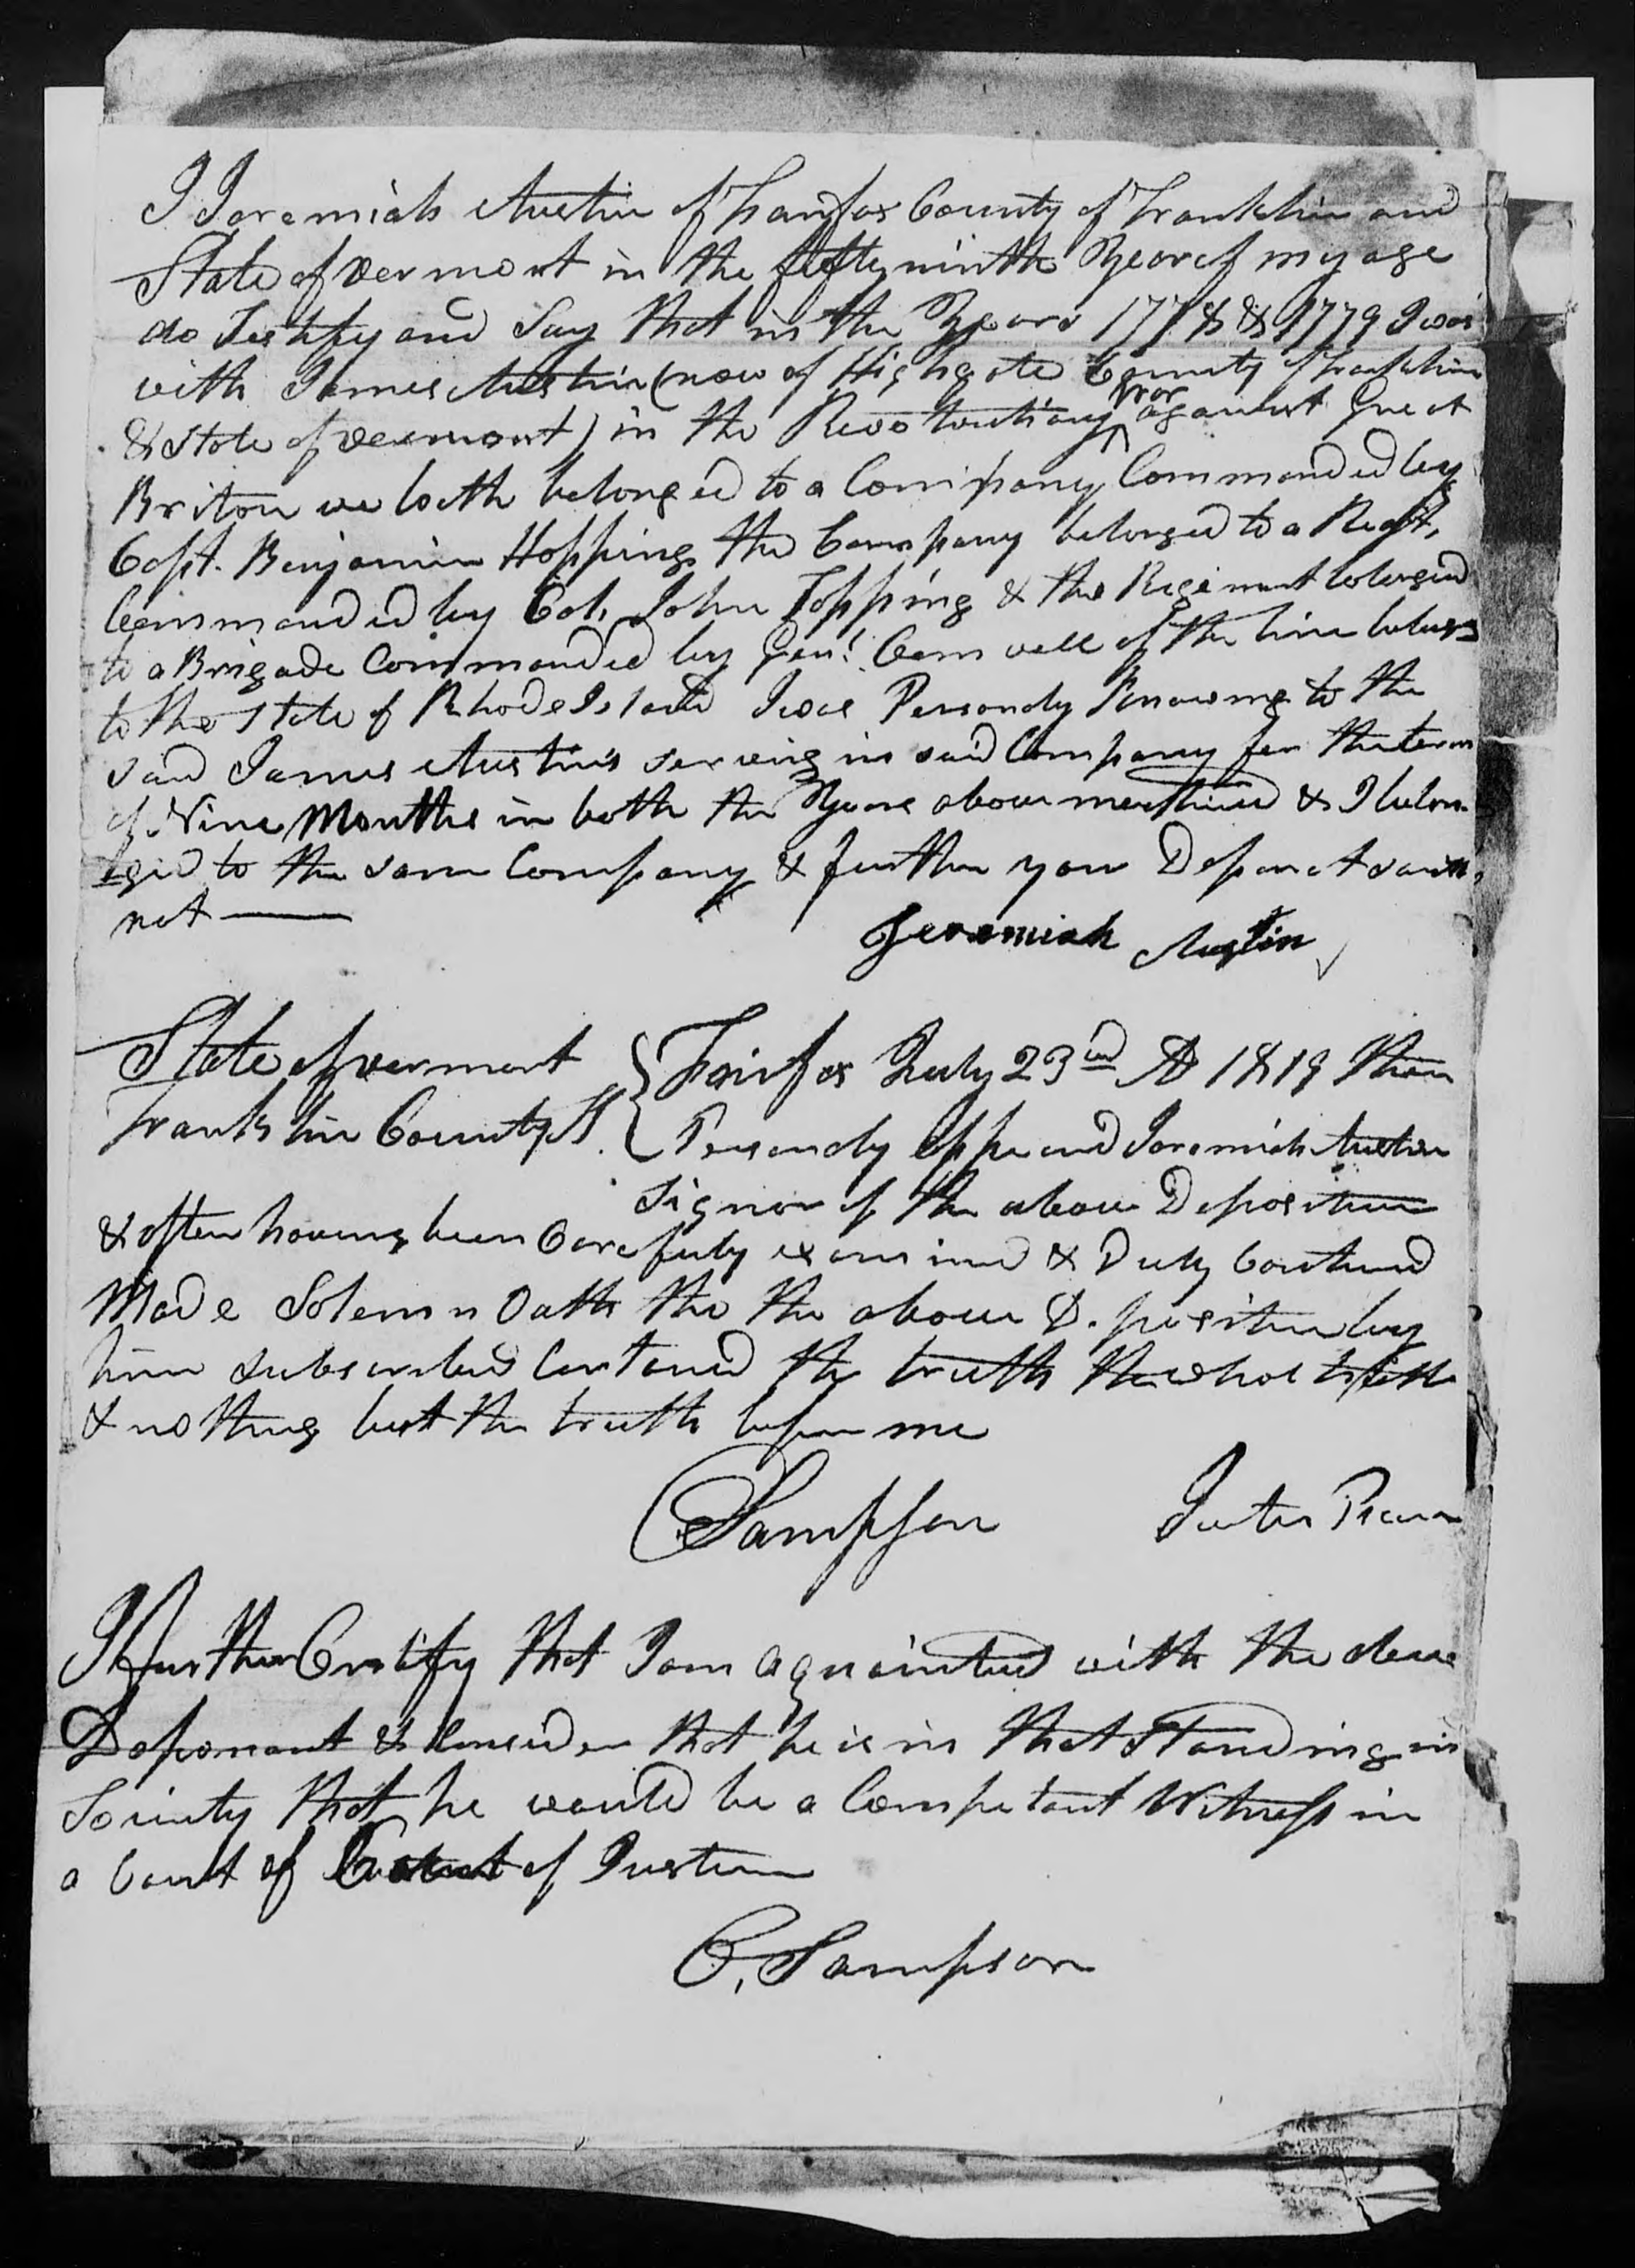I Jeremiah Austin of Santos County of Franklin and State of Vermont in the fifty ninth year of my age do testify and say that in the year 1778 & 1779 I was with James Austin (now of Highgate County of Franklin & State of Vermont) in the Revolutionary War against Great Briton we both belonged to a Company Commanded by Capt. Benjamin Hopping the Company belonged to a Regt, commanded by Col. John Topping & the Regiment belonging to a Brigade Commanded by Genl Cornwell of the Line belonging to Rhode Island I [illegible] personally [illegible] to the same James Austin's serving in said company for the term  of nine months in both the [illegible] above mentioned & I belong again to the same company & further your Depenet saith not --
Jeremiah Austin [signature]

State of Vermont   } Fairfax July 23rd AD 1819 
Franklin County  ss} Personally appeared Jeremiah Austin signor of the above Deposition & after having him was fully examined & duly [illegible] made solemn oath the the above D. positively him subscribed contained the truth the whol truth & nothing but the truth before me 
Sampson [signature] Justin [illegible]  [signature]

I further certify that I am aquainted [sic] with the above deponent & [illegible] that he is in that standing in society that he wants to be a competent witness in a Court of [word crosssed out] of Justice 
E. Sampson [signature]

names: Jeremiah Austin, Benjamin Hopping, James Austin, Jeremiah Austin, John Topping, Sampson, James Austin, O Sampson, Jeremiah Austin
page: 52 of 100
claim: survivor's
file: S 19186, James Austin, Conn. New York R.I.